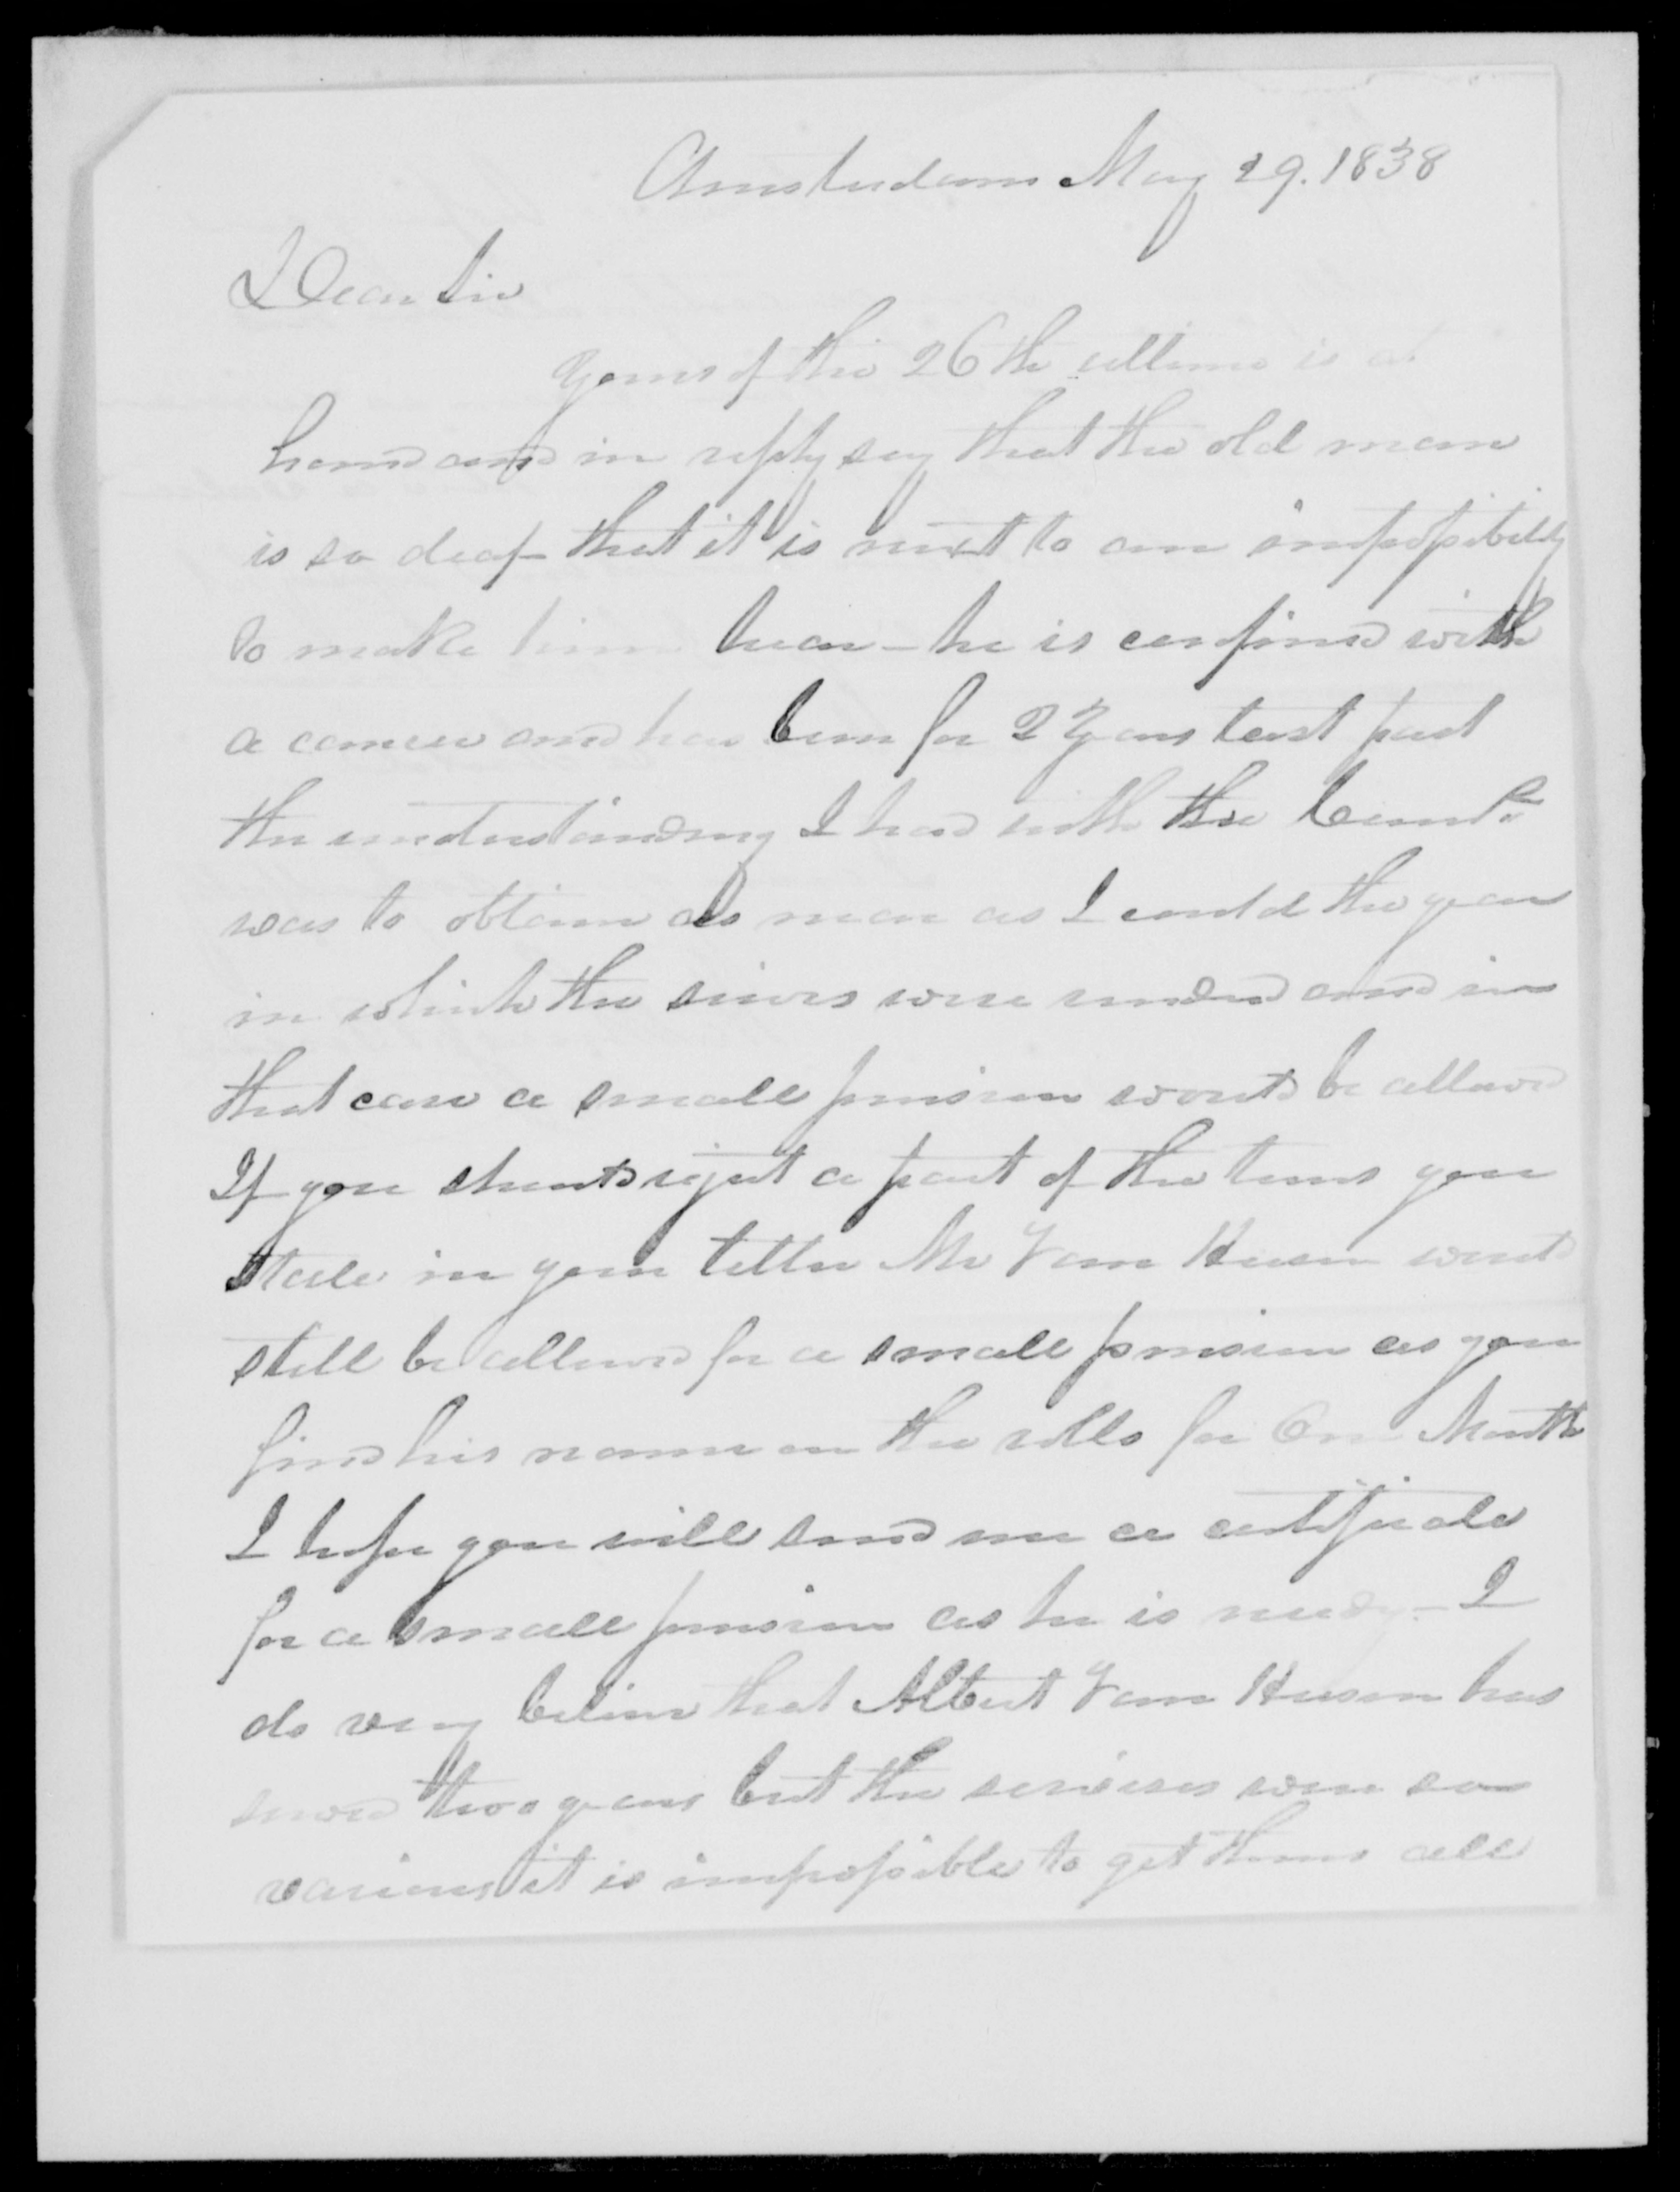Amsterdam May 29. 1838 
Dear Sir 
Yours of the 26th ultimo is at hand and in reply say that the old man is so deaf that it is next to an impossibility to make him hear - he is confined with a cancer and has been for 2 years last past the [illegible] I had with the Commr. was to obtain as much as I could the year in which the services were rendered and in that case a small pension would be allowed If you should reject a part of the time you State in your letter Mr Van Husen would still be allowed for a small pension as you find his name on the rolls for 6 months I hope you will send me a certificate for a small pension as he is needy - I do very believe that Albert Van Husen has served two years but the services were so various it is impossible to get them all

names: Albert Van Husen, Van Husen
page: 36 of 57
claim: survivor's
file: S. 28,925, Albert Van Housen, New York